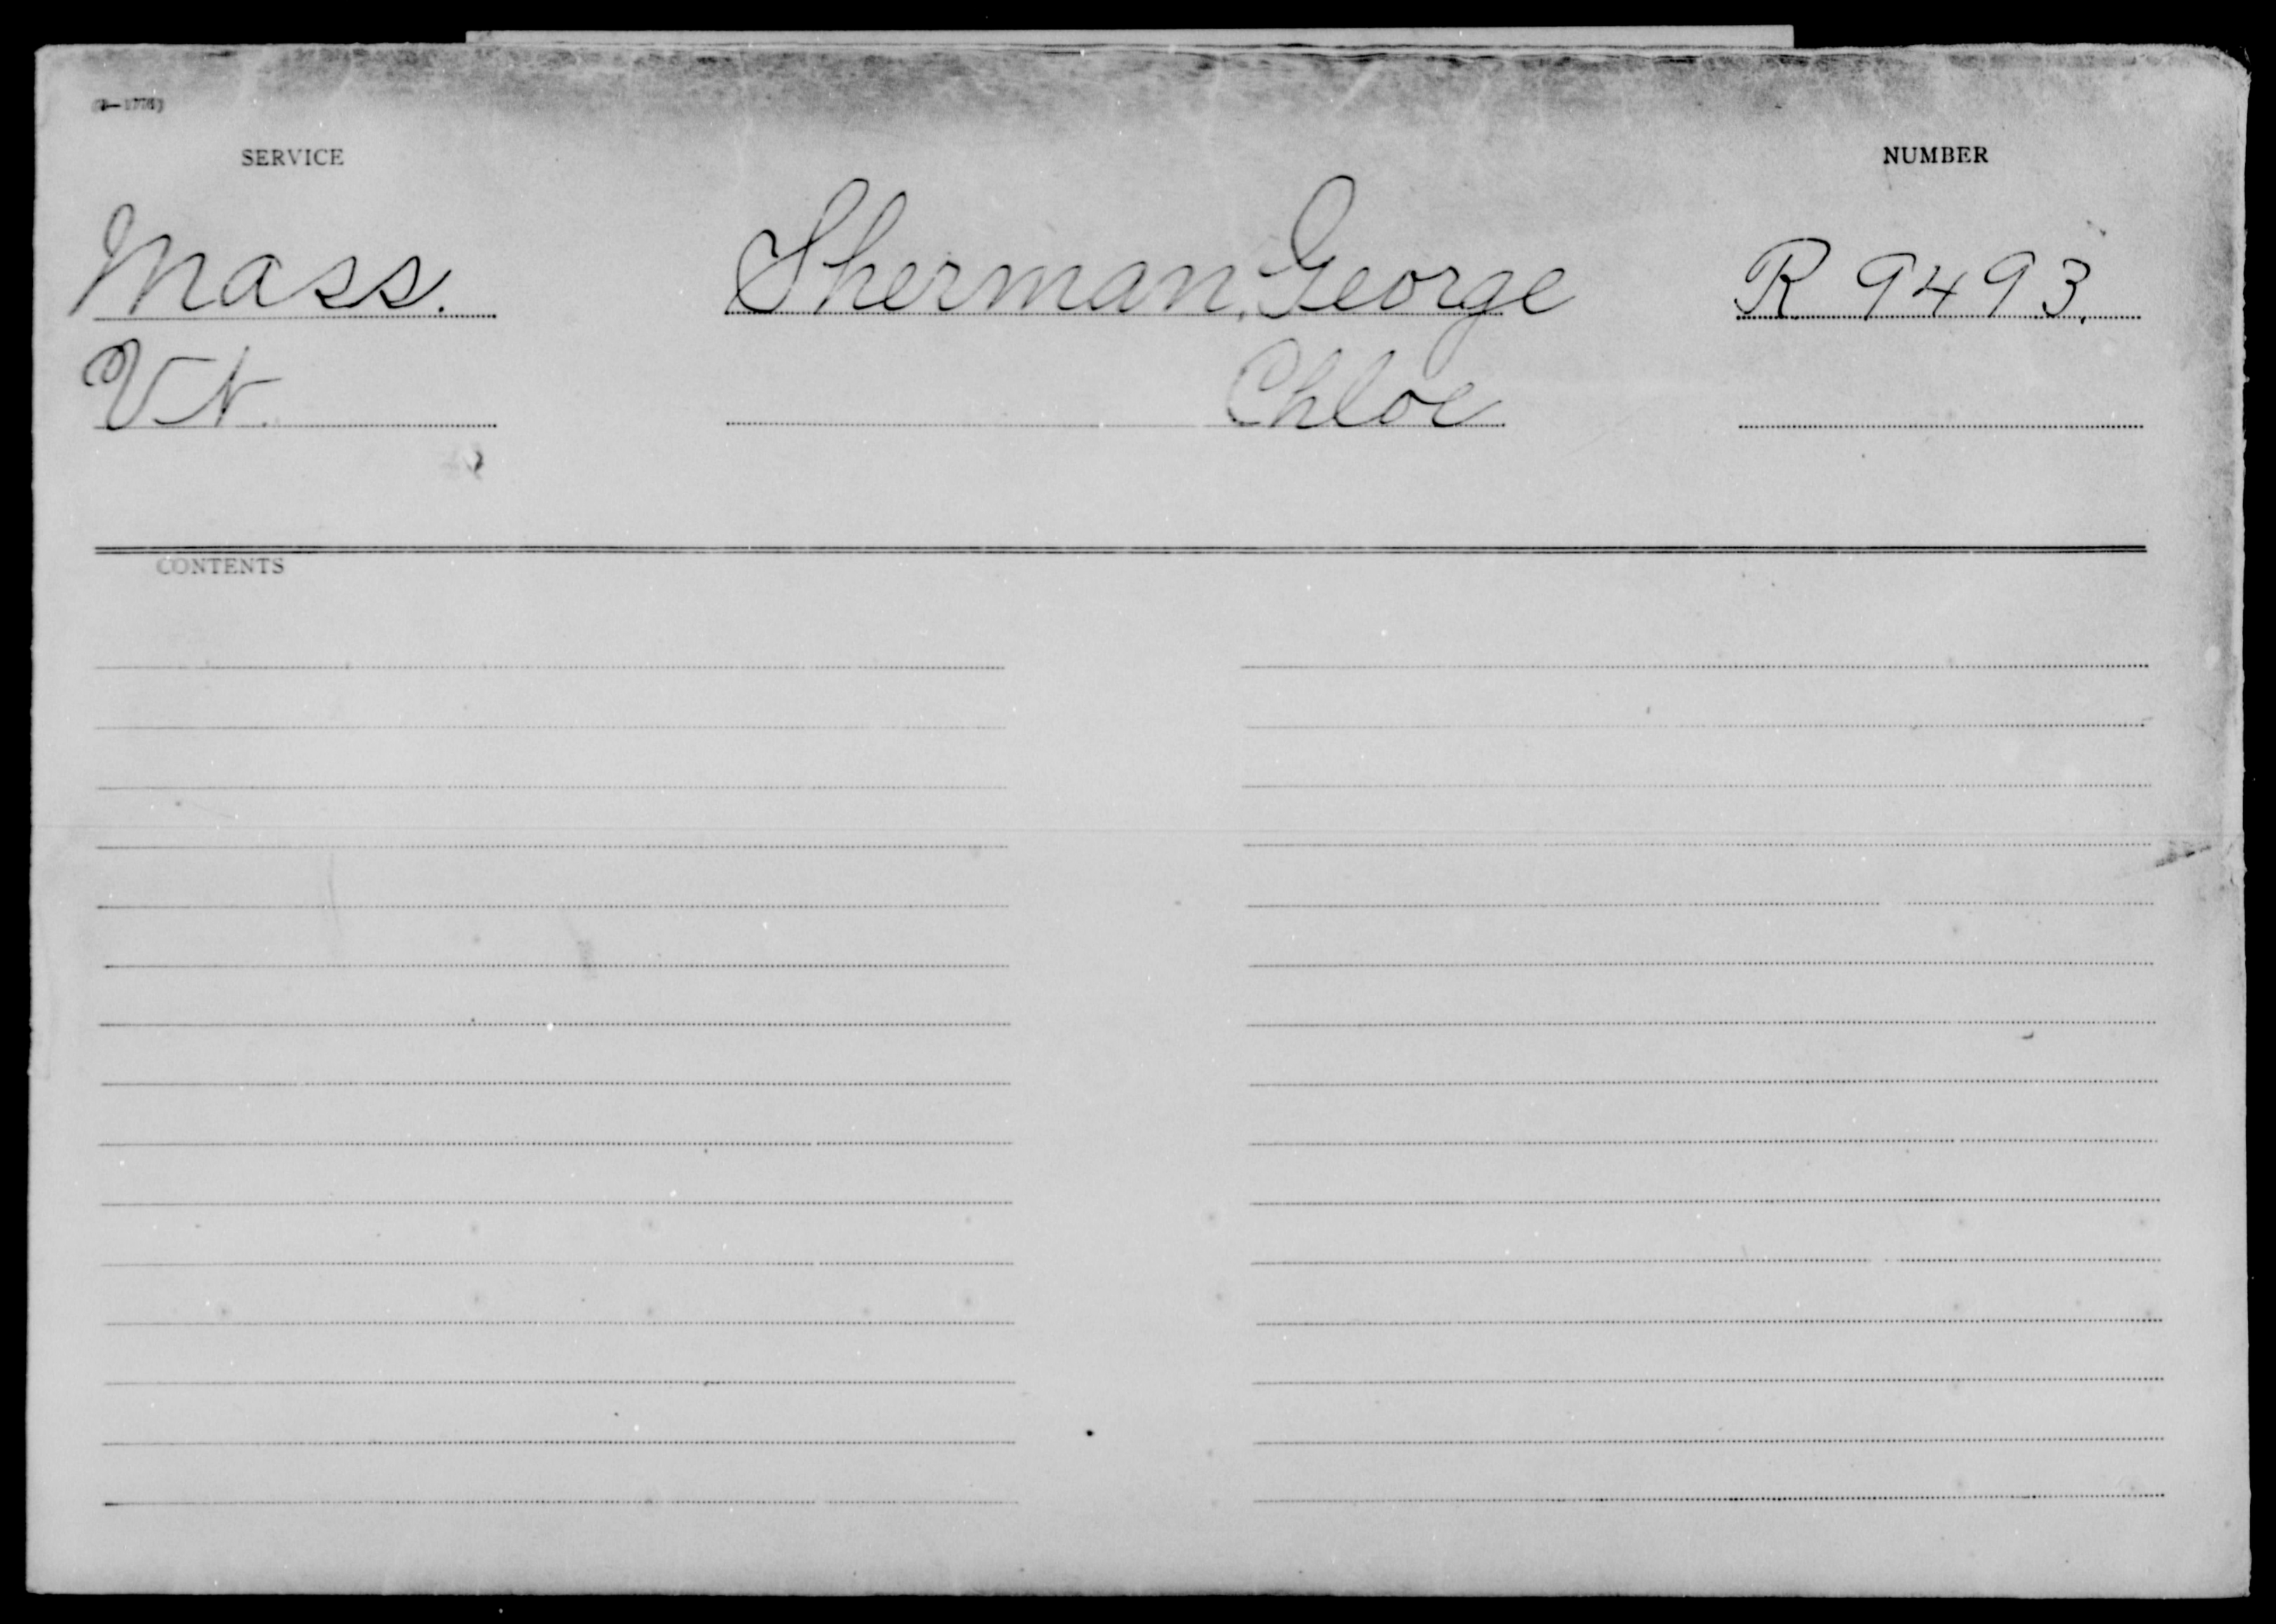Service: Mass.
Vt
Sherman, George
Chloe
Number:
R 9493.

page: 1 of 52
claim: rejected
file: R. 9493, for George Sherman, Vermont